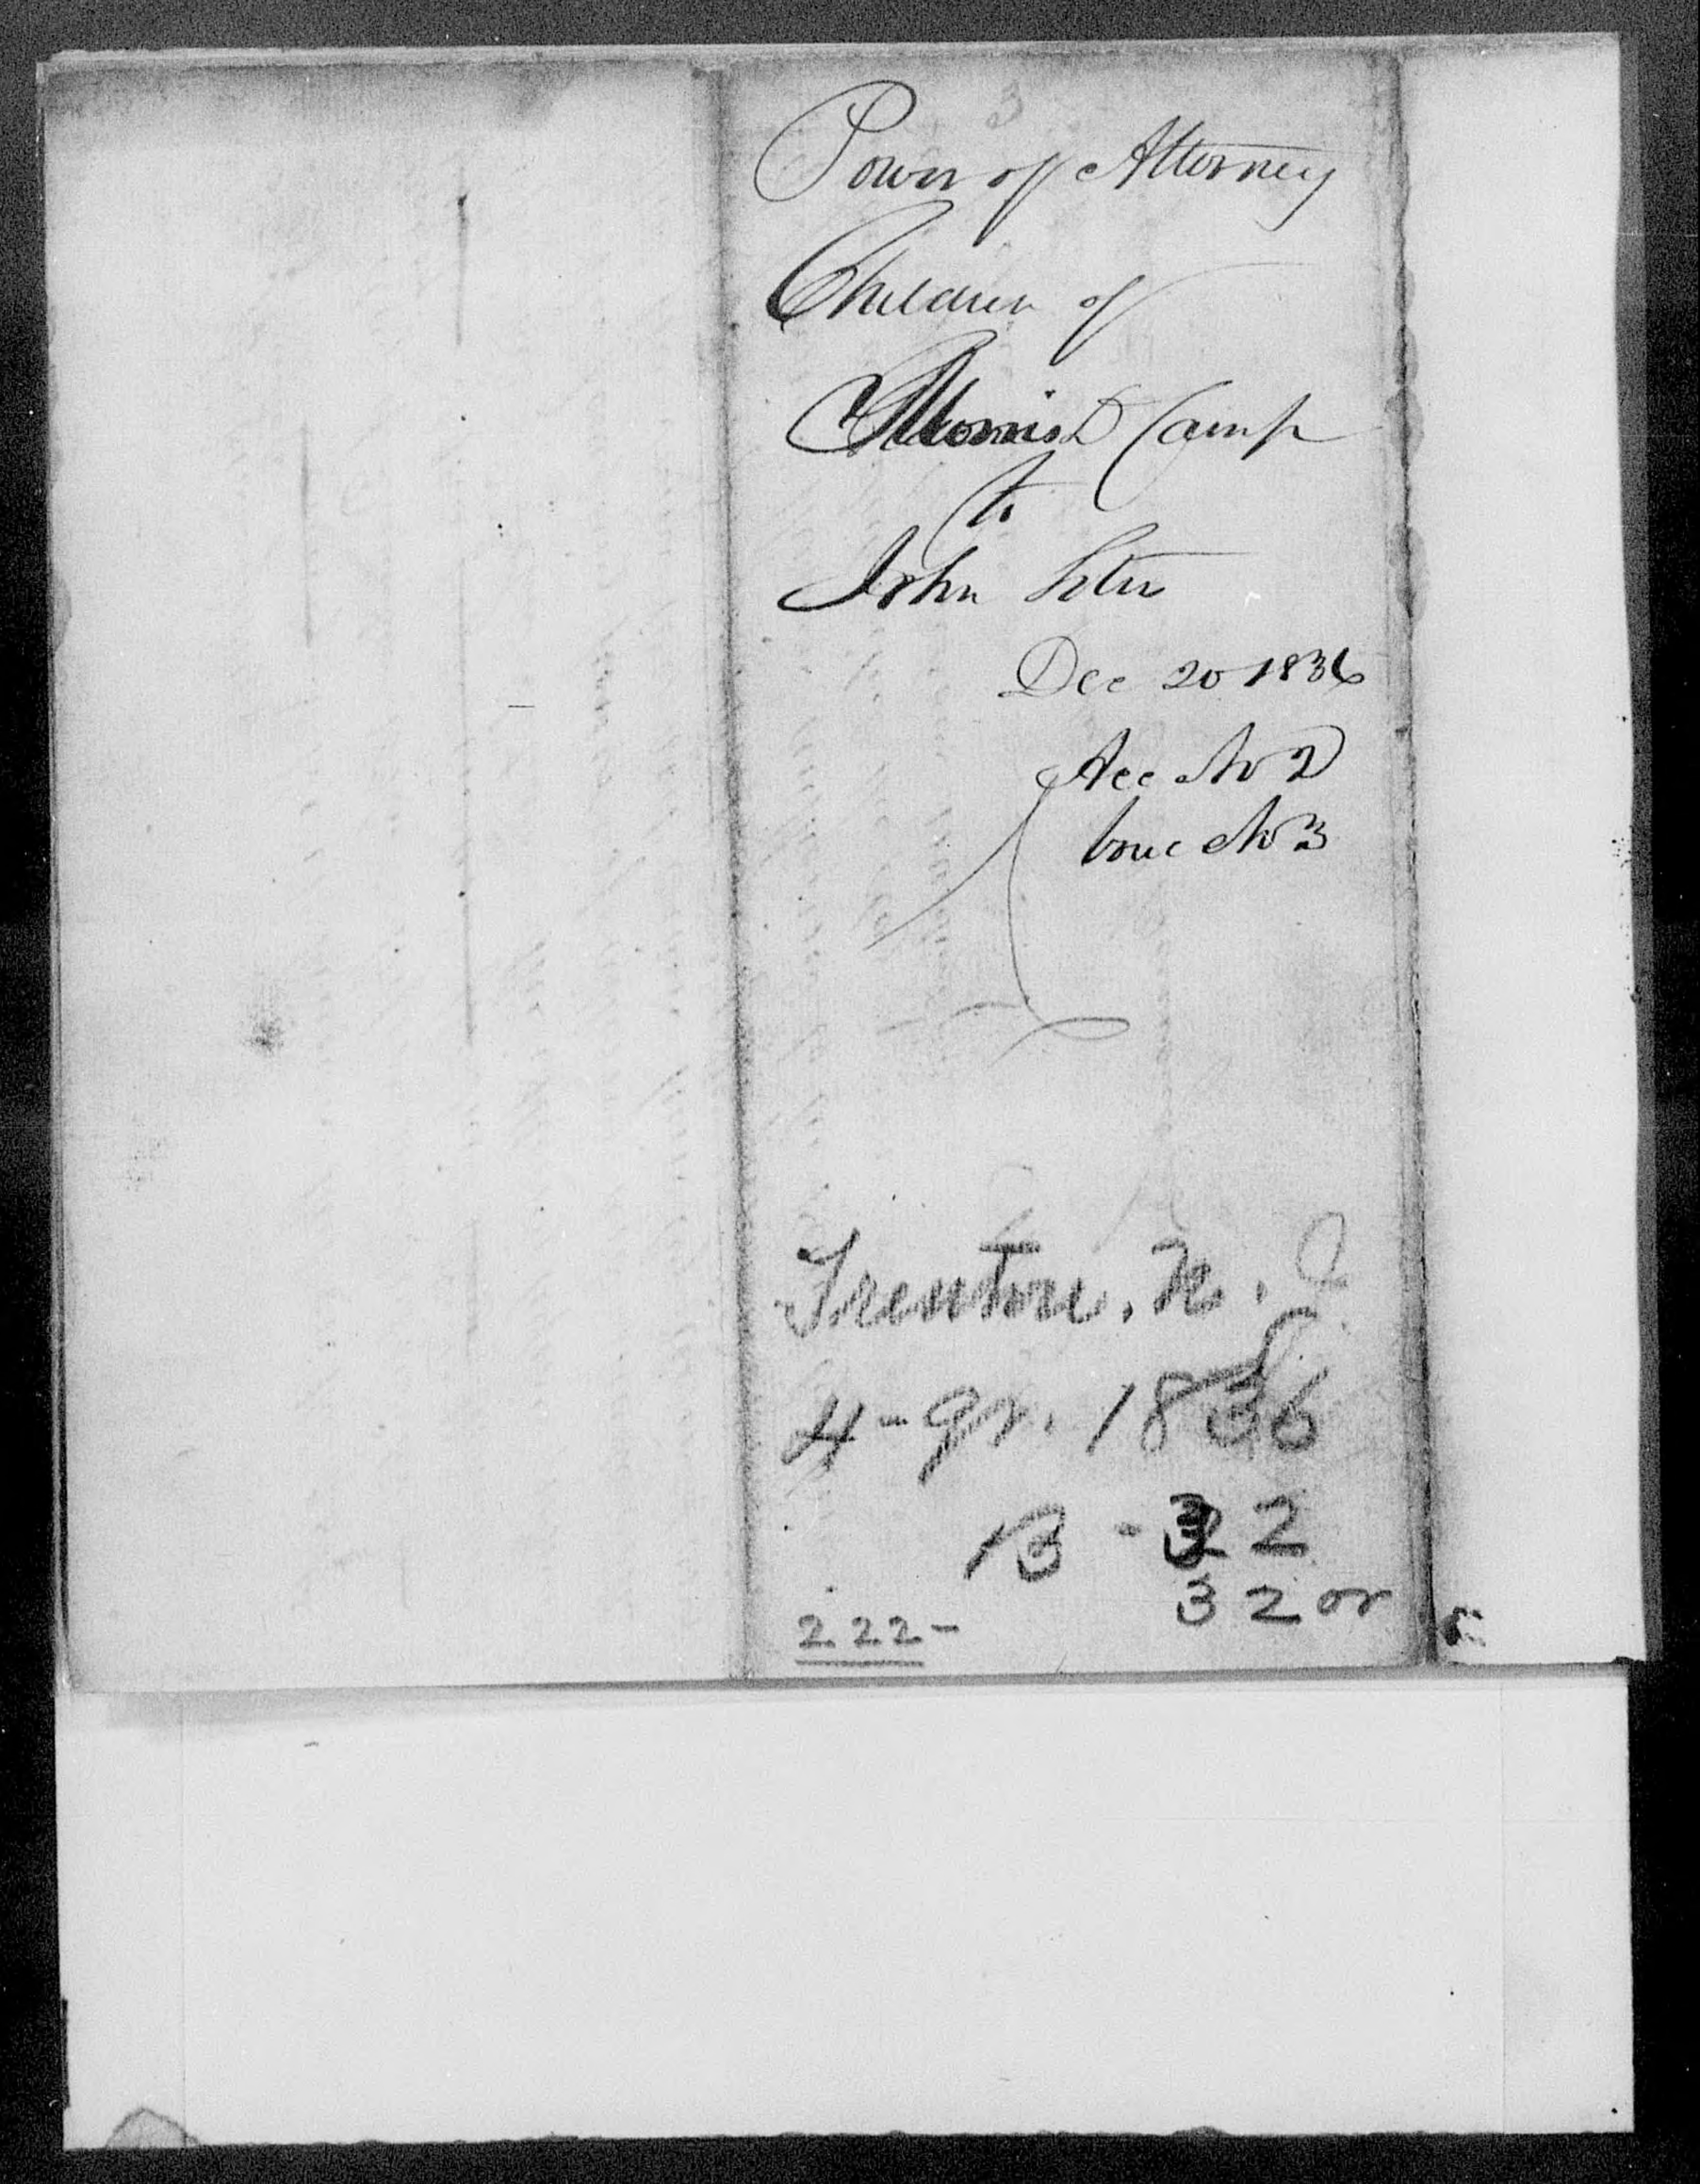Power of Attorney
Children of Morris D Camp to 
John Titus 
Dec 20, 1836 
Acc No 2 
[illeg] No 5

Trenton, N.J.  
H-gr. 1836 
B-32
32 or 
222-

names: Morris D Camp, John Titus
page: 15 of 52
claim: survivor's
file: S. 34172, Morris D Camp, Continental (New Jersey)